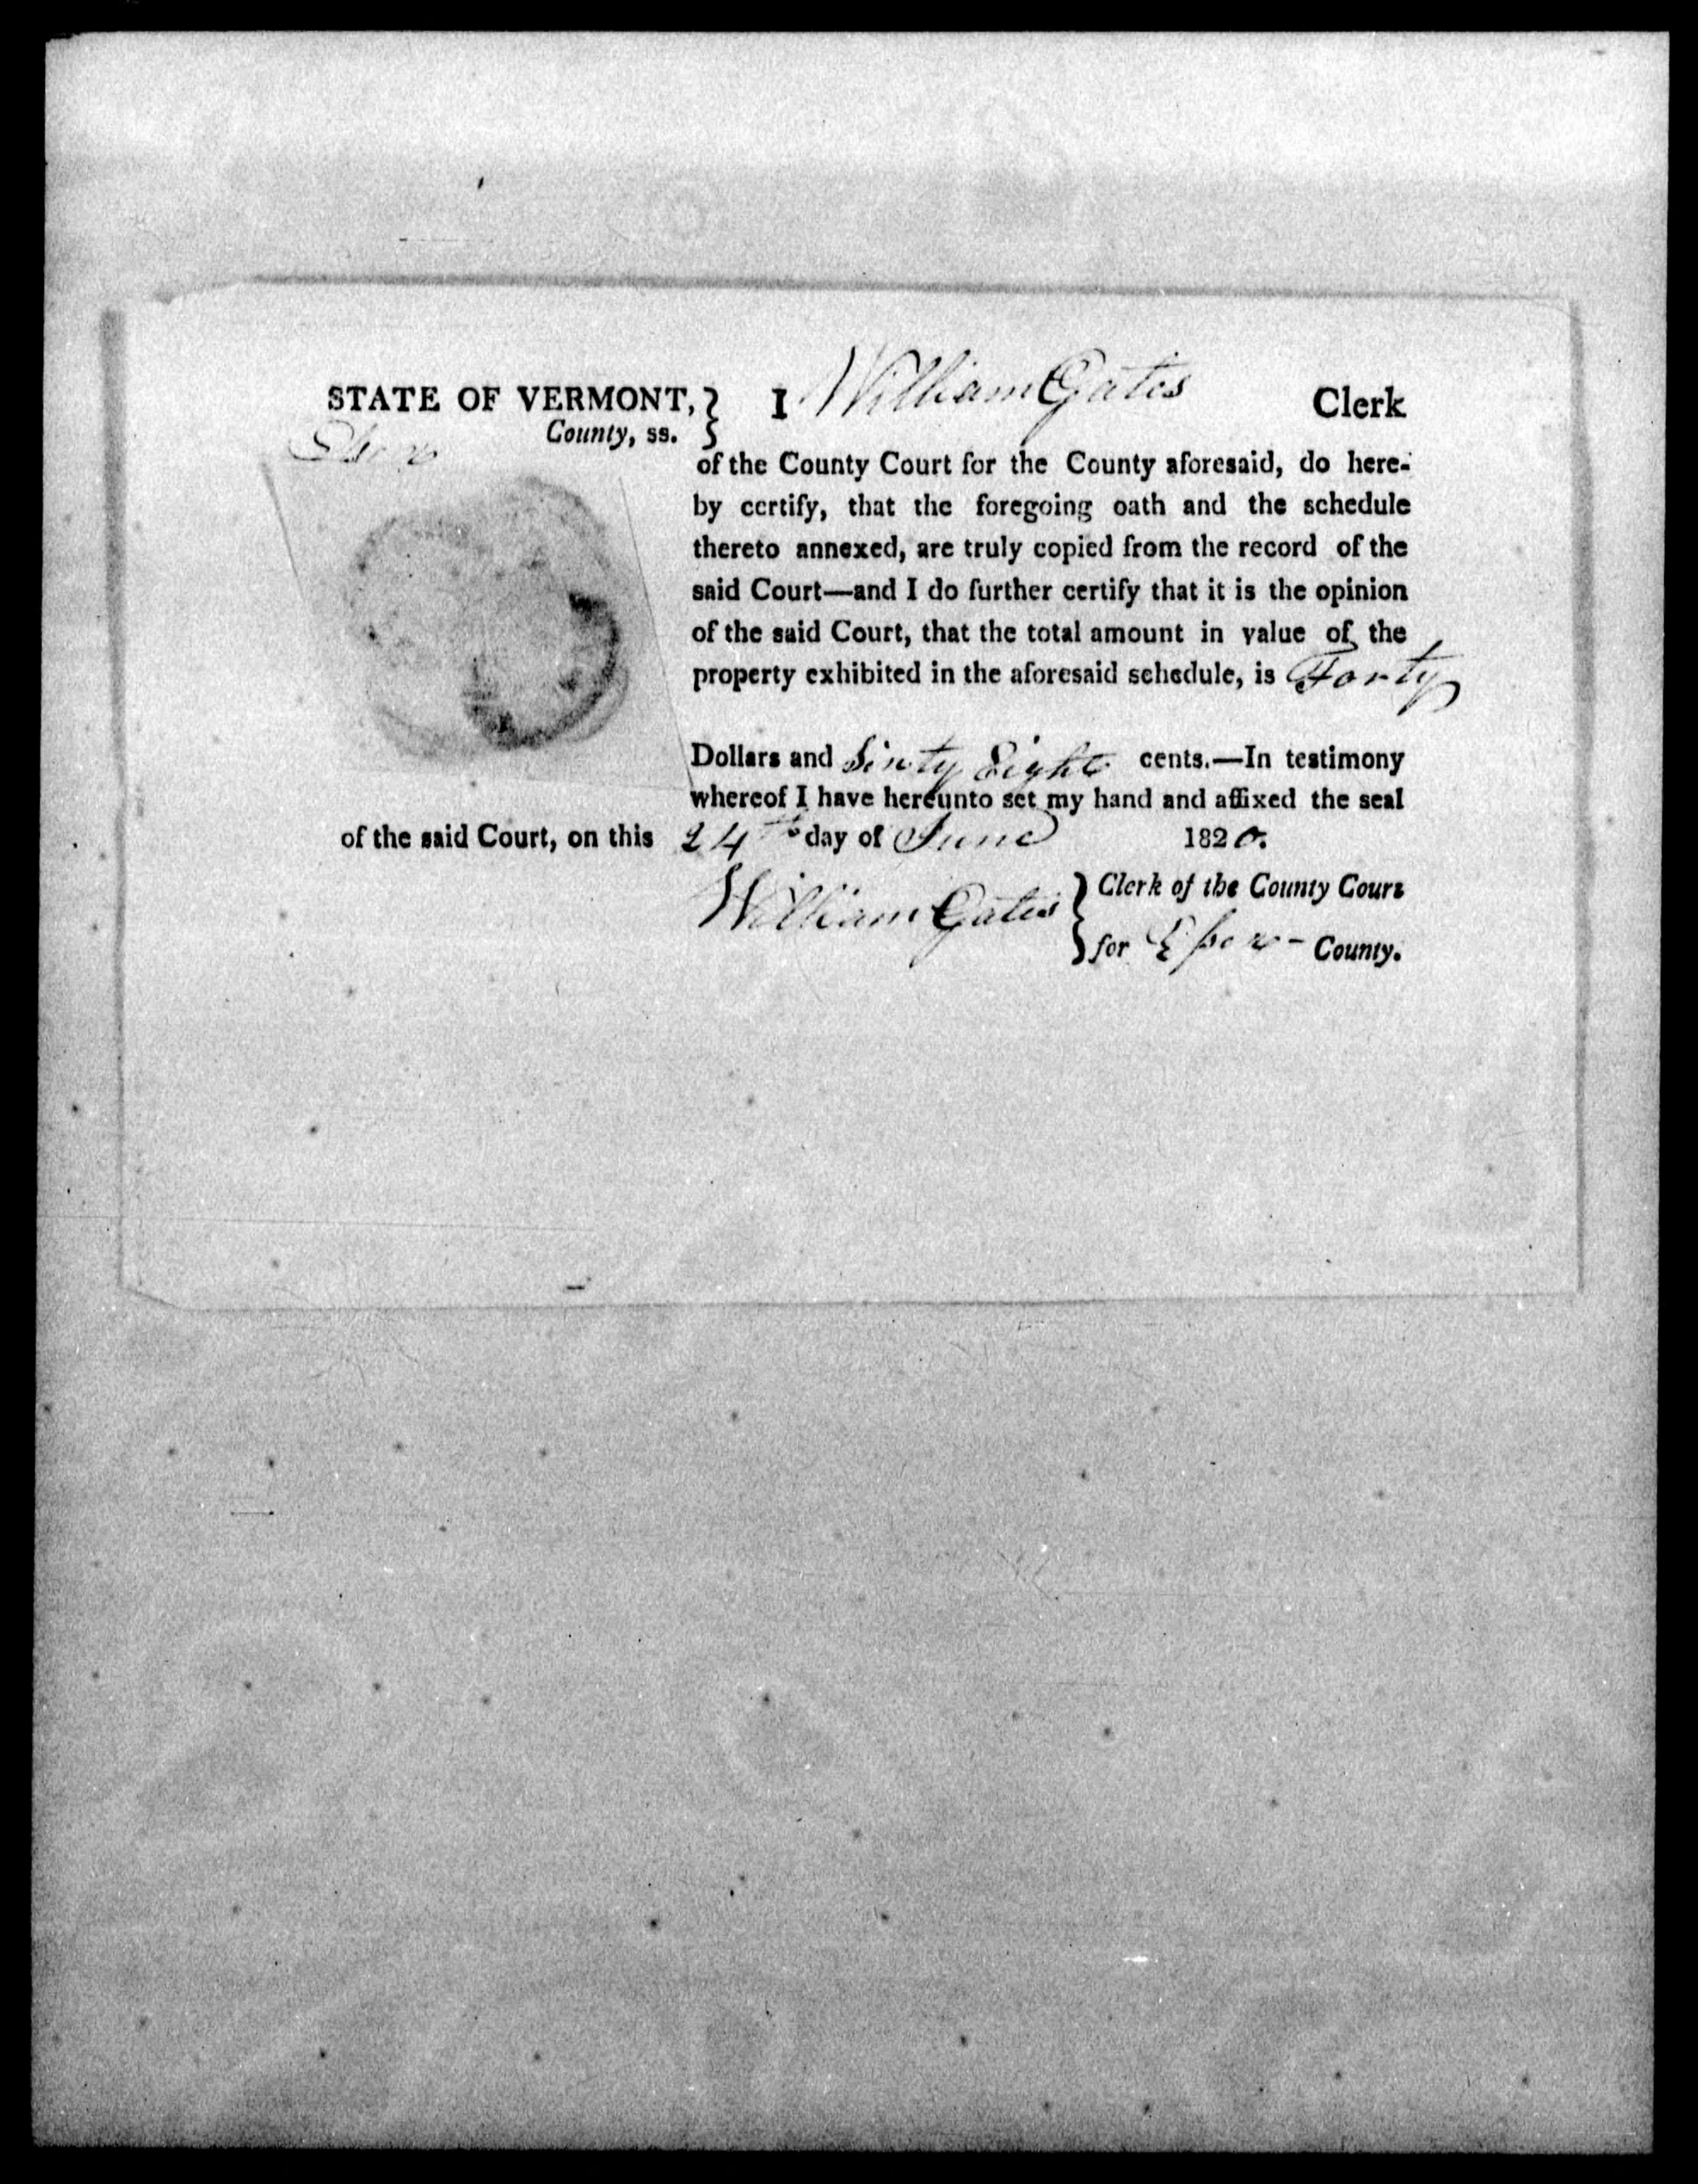STATE OF VERMONT.
County, ss.
I William Gates Clerk of the said Court, on this
of the County Court for the County aforesaid, do hereby
certify, that the foregoing oath and the schedule
thereto annexed, are truly copied from the record of the
said Court--and I do further certify that it is the opinion
of the said Court, that the total amount in value of the
property exhibited in the aforesaid schedule, is forty
Dollars and sixty eight cents. - In testimony
whereof I have hereunto set my hand and affixed the seal
24th day of June
1820.
[signature] William Gates
Clerk of the County Court
for Essex County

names: William Gates; William Gates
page: 9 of 19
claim: survivor's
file: S 41975, for Hinds Reed, New Hampshire